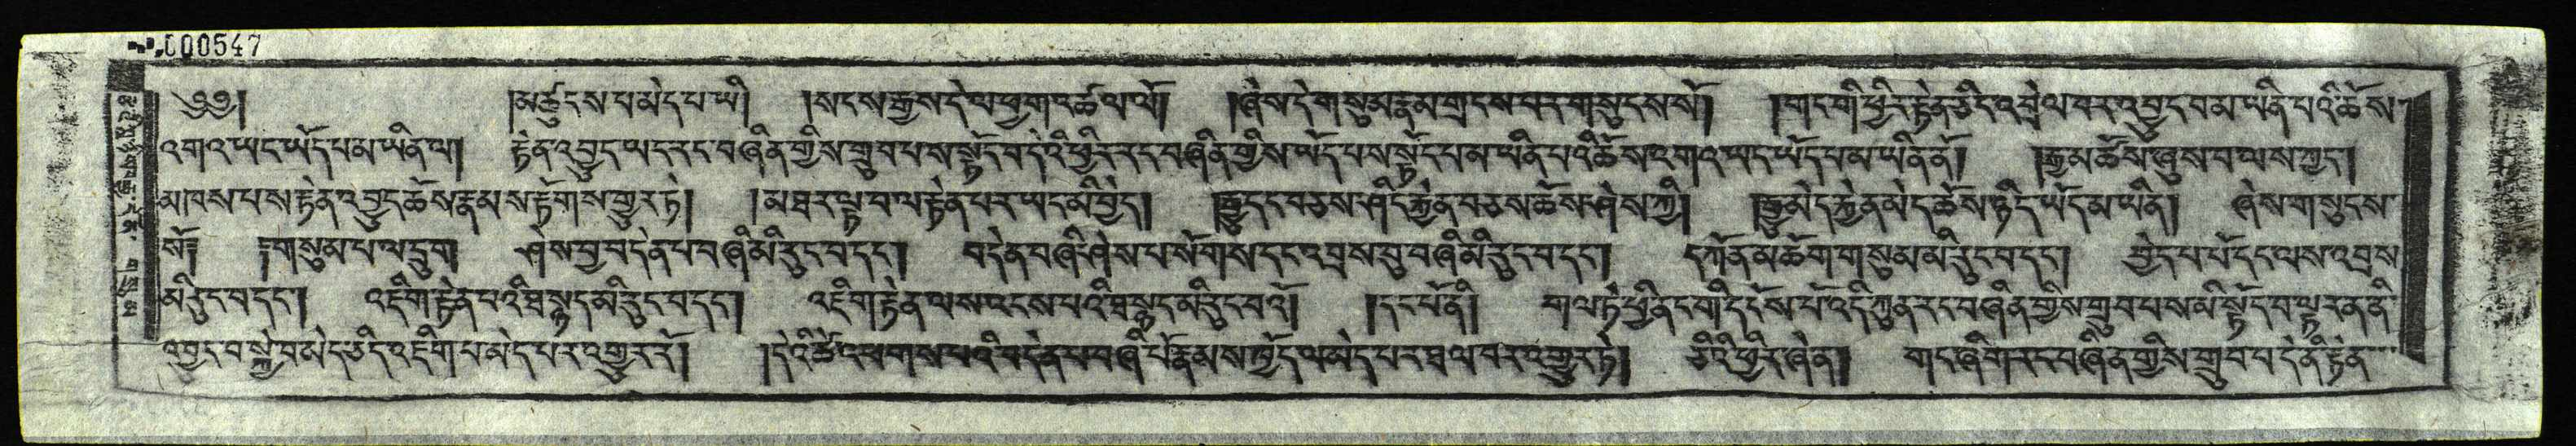༄༅། །མཚུངས་པ་མེད་པ་ཡི། །སངས་རྒྱས་དེ་ལ་ཕྱག་འཚལ་ལོ། །ཞེས་དེ་གསུམ་རྣམ་གྲངས་པར་གསུངས་སོ། །གང་གི་ཕྱིར་རྟེན་ཅིང་འབྲེལ་བར་འབྱུང་བ་མ་ཡིན་པའི་ཆོས་
འགའ་ཡང་ཡོད་པ་མ་ཡིན་ལ། རྟེན་འབྱུང་ཡང་རང་བཞིན་གྱིས་གྲུབ་པས་སྟོང་བ་དེའི་ཕྱིར་རང་བཞིན་གྱིས་ཡོད་པས་སྟོང་པ་མ་ཡིན་པའི་ཆོས་འགའ་ཡང་ཡོད་པ་མ་ཡིན་ནོ། །རྒྱ་མཚོས་ཞུས་བ་ལས་ཀྱང་།
མཁས་པས་རྟེན་འབྱུང་ཆོས་རྣམས་རྟོགས་གྱུར་ཏེ། །མཐར་ལྟ་བ་ལ་རྟེན་པར་ཡང་མི་བྱེད། །རྒྱུ་དང་བཅས་ཤིང་རྐྱེན་བཅས་ཆོས་ཤེས་ཀྱི། །རྒྱུ་མེད་རྐྱེན་མེད་ཆོས་ཉིད་ཡོད་མ་ཡིན། ཞེས་གསུངས་
སོ༑ ༑གསུམ་པ་ལ་དྲུག། ཤེས་བྱ་བདེན་པ་བཞི་མི་རུང་བ་དང་། བདེན་བཞི་ཤེས་པ་སོགས་དང་འབྲས་བུ་བཞི་མི་རུང་བ་དང་། དཀོན་མཆོག་གསུམ་མི་རུང་བ་དང་། བྱེད་པ་པོ་དང་ལས་འབྲས་
མི་རུང་བ་དང་། འཇིག་རྟེན་པའི་ཐ་སྙད་མི་རུང་བ་དང་། འཇིག་རྟེན་ལས་འདས་པའི་ཐ་སྙད་མི་རུང་བའོ། །དང་པོ་ནི། གལ་ཏེ་ཕྱི་ནང་གི་དངོས་པོ་འདི་ཀུན་རང་བཞིན་གྱིས་གྲུབ་པས་མི་སྟོང་བ་ལྟར་ན་ནི་
འབྱུང་བ་སྐྱེ་བ་མེད་ཅིང་འཇིག་པ་མེད་པར་འགྱུར་རོ། །དེའི་ཚེ་འཕགས་པའི་བདེན་པ་བཞི་པོ་རྣམས་ཁྱོད་ལ་མེད་པར་ཐལ་བར་འགྱུར་ཏེ། ཅིའི་ཕྱིར་ཞེ་ན། གང་ཞིག་རང་བཞིན་གྱིས་གྲུབ་པ་དེ་ནི་རྟེན་